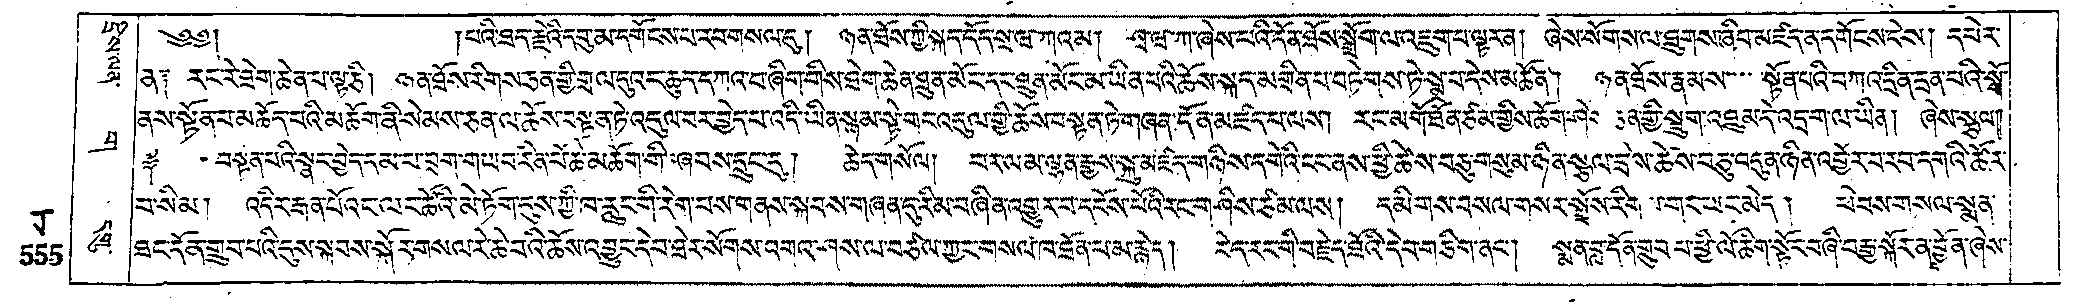༄༅། །པའི་ཐད་རྗེའི་དབུ་མ་དགོངས་པ་རབ་གསལ་དུ། ཉན་ཐོས་ཀྱི་སྐད་དོད་སྲ་ཝ་ཀའམ། ཤྲ་ཝ་ཀ་ཞེས་པའི་དོན་ཐོས་སྒྲོག་ལ་འཇུག་པ་ལྟར་ན། ཞེས་སོགས་ལ་ཐུགས་ཞིབ་མཛད་ན་དགོངས་དེས། དཔེར་
ན༑ རང་རེ་ཐེག་ཆེན་པ་ལྟ་ཅི། ཉན་ཐོས་རིགས་ཅན་གྱི་གྲལ་དུའང་ཆུད་དཀའ་བ་ཞིག་གིས་ཐེག་ཆེན་ཐུན་མོང་དང་ཐུན་མོང་མ་ཡིན་པའི་ཆོས་སྐད་མགྲིན་པ་བཏེགས་ཏེ་སྨྲ་བ་དེས་མཚོན། ཉན་ཐོས་རྣམྶ་་་སྟོན་པའི་བཀའ་དྲིན་དྲན་པའི་སྒོ་
ནས་སྟོན་པ་མཆོད་པའི་མཆོག་ནི་སེམས་ཅན་ལ་ཆོས་བསྟན་ཏེ་འདུལ་བར་བྱེད་པ་འདི་ཡིན་སྙམ་སྟེ་གང་འདུལ་གྱི་ཆོས་བསྟན་ཏེ་གཞན་དོན་མཛད་པ་ལས། རང་མགོ་ཐོན་ཙམ་གྱིས་ཆོག་ཤེས་ཅན་གྱི་སྦུག་འཐུམ་དེ་འདྲ་ག་ལ་ཡིན། ཞེས་སྩལ། །
འ་བསྟན་པའི་སྣང་བྱེད་དམ་པ་བྲག་གཡབ་རིན་པོ་ཆེ་མཆོག་གི ༧ཞབས་དྲུང་དུ། ཆེད་གསོལ། བར་ལམ་ལྷན་རྒྱས་སྐུ་མཛད་གཉིས་དགེའི་ངང་ནས་ཕྱི་ཚེས་བཅུ་གསུམ་ཉིན་སྩལ་བྲེས་ཚེས་བཅུ་བདུན་ཉིན་འབྱོར་བ་རབ་དགའི་ཚོར་
བ་སིམ། འདིར་རྒན་པོའང་ལང་ཚོའི་མེ་ཏོག་དུས་ཀྱི་ཁ་རླུང་གི་རེག་པས་གནས་སྐབས་གཞན་དུ་རིམ་བཞིན་འགྱུར་བ་དངོས་པོའི་རང་གཤིས་ཙམ་ལས། དམིགས་བསལ་གསར་སྤྲོས་རིགས་གང་ཡང་མེད། ཕེབས་གསལ་སྨན་
ཐང་དོན་གྲུབ་པའི་དུས་སྐབས་སྐོར་གསལ་རེ་ཆེ་བའི་ཆོས་འབྱུང་དེབ་ཐེར་སོགས་འགའ་ཤས་ལ་བཙལ་ཀྱང་གསལ་ཁ་ཐོན་པ་མ་རྙེད། ངེད་རང་གི་བརྗེད་ཐོའི་དེབ་གཅིག་ནང་། སྨན་བླ་དོན་གྲུབ་པ་ཕྱི་ལོ་ཆིག་སྟོང་བཞི་བརྒྱ་སྐོར་ནང་བྱོན་ཞེས་